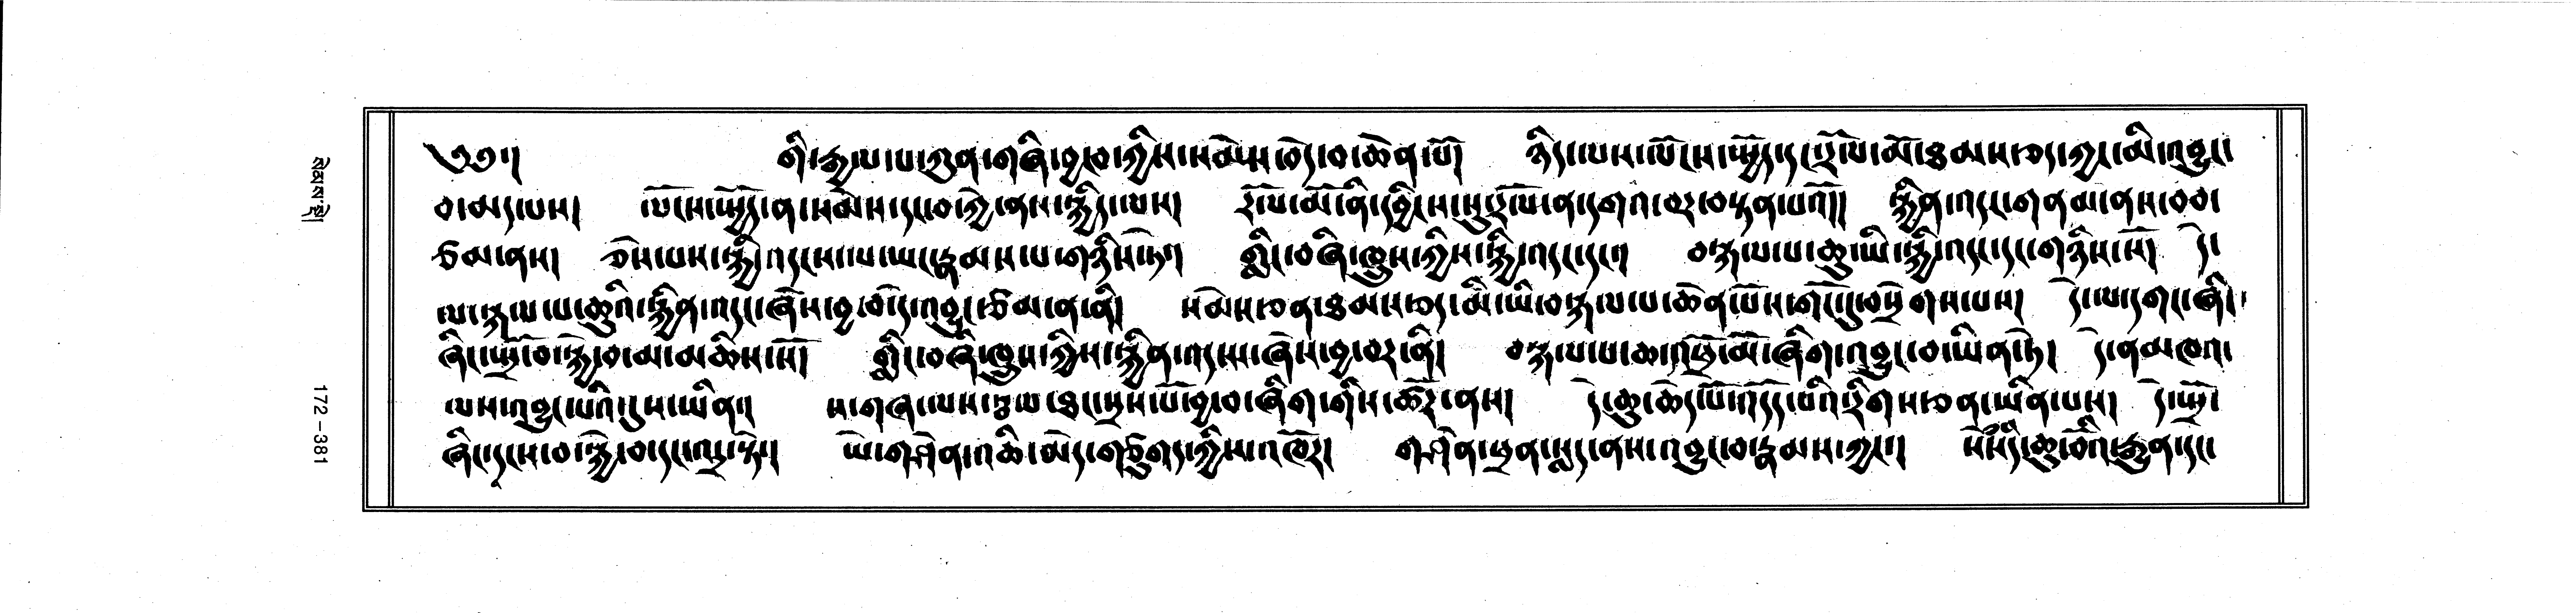༄༅་། གིི་རྒྱལ་པོ་ཀུན་གཞི་བྱང་ཆུབ་ཀྱིས་སེམས་བདེ་བ་ཆེན་པོ། ཉིད་ལས་ལོངས་སྤྱོད་དང་རོལ་མོ་ཐམས་ཅད་ཀྱང་མི་འབྱུང་
བ་མེད་པས། ལོངས་སྤྱོད་ནི་སེམས་དང་བ་སྐྱི་ནས་སྐྱིད་ལས། རོལ་མོ་ནི་དབྱིངས་སུ་རོལ་ན་དགའ་བར་བསྟན་པའོ། སྐྱི་འདངས་གནམ་ནས་བབ་
ཙམ་ནས། ཅེས་པས་སྐྱི་འདངས་པ་ཡང་རྣམ་པ་གཉིས་ཏེ། གླིང་བཞི་ཁྲུས་སྐྱི་འདང་དང་། བསྐལ་པ་ཆུ་ཡི་སྐྱི་འདང་དང་གཉིས་སོ། དེ་
ལ་སྐལ་པ་ཆུའི་སྐྱི་འདང་ཞེས་བྱ་བ་དེ་འབྱུང་ཙམ་ན་ནི། སེམས་ཅན་ཐམས་ཅད་མི་ཡི་བསྐལ་པ་ཆེན་པོས་གོང་དུ་བསྲེགས་པས། དེ་ལ་དགའ་ཞིང་
ཞིང་སྤྲོ་བ་སྐྱེ་བ་མ་མཆིས་སོ། གླིང་བཞི་ཁྲུས་ཀྱིས་སྐྱི་འདས་ཞེས་བྱ་བར་ནི། བསྐལ་པ་ཆ་འཕྲ་མོ་ཞིག་འབྱུང་བ་ཡིན་ཏེ། དེ་ནམ་མཁའ་
ལས་འབྱུང་པའི་དུས་ཡིན། ས་གཞི་ལས་སྦལ་ཐང་སྲས་པོ་བྱ་བ་ཞིག་གིས་ཚོར་ནས། དེ་ཆུ་ཆེད་པོ་འདོད་པའི་རིགས་ཅན་ཡིན་པས། དེ་སྤྲོ་
ཞིང་དྭངས་བ་སྐྱེ་བ་དང་འདྲ་སྟེ། ཡེ་གཤེན་འཆི་མེད་གཙུག་ཕུད་ཀྱིས་འཁོར། གཤེན་ཕྲན་སླད་ནས་འབྱུང་བ་རྣམས་ཀྱང་། སེམས་ཉིད་ཆུ་བོའི་རྒྱུན་དང་